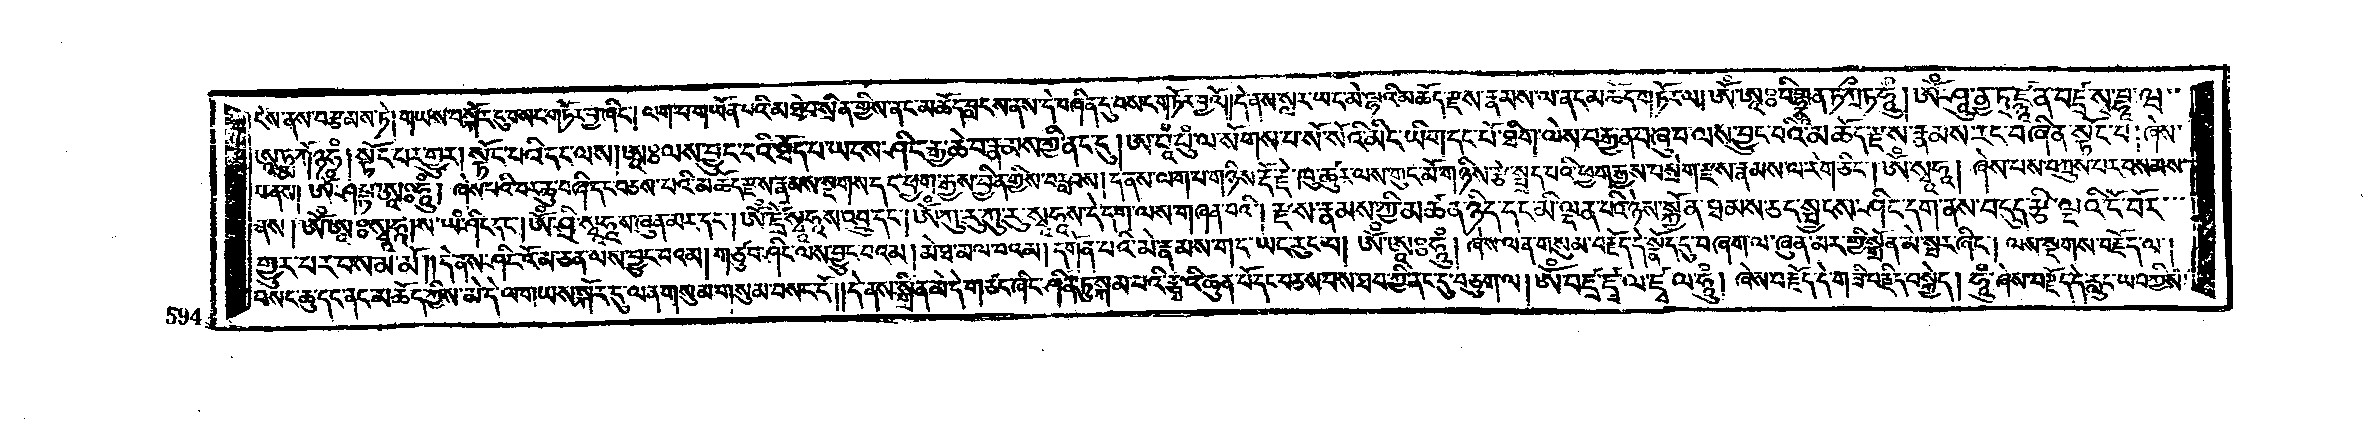ངེས་ནས་བརྩམས་ཏེ། གཡས་བསྐོར་དུ་བསང་མང་གཏོར་བྱ་ཞིང་། ལག་པ་གཡོན་པའི་མཐེབ་སྲིན་གྱིས་ནང་མཆོད་བླངས་ནས་དེ་བཞིན་དུ་བསང་གཏོར་བྱའོ། །དེ་ནས་སླར་ཡང་མེ་ལྷའི་མཆོད་རྫས་རྣམས་ལ་ནང་མཆོད་གཏོར་ལ། ཨོཾ་ཨཱཿ བི་གྷྰྣ་ཏ་ཀྲྀ་ཏ་ཧཱུཾ། ཨོཾ་ཤཱུ་ནཡ་ཏྲ་ཛྙཱ་ན་བྫྲ་སྭ་བྷཱ་ཝ་
ཨཱ་ཏྨ་ཀོ་ཉ་ཧཾ། སྟོང་པར་གྱུར། སྟོང་པའི་ངང་ལས། ཨཱཿ ལས་བྱུང་བའི་ཐོད་པ་ཡངས་ཤིང་རྒྱ་ཆེ་བ་རྣམས་ཀྱི་ནང་དུ། ཨ་པཱཾ་པུཾ་ལ་སོགས་པའི་མིང་ཡིག་དང་པོ་ཐིག་ལེས་བརྒྱན་བཞུབ་ལས་བྱུང་བའི་མཆོད་རྫ་རྣམས་རང་བཞིན་སྟོང་པ། ཞེས་
པ་ནས། ཨོཾ་ཤབཏ་ཨཱཿ ཧཱུཾ། ཞེས་པའི་བར་ཅུ་བཞི་དང་ཅས་པའི་མཆོད་རྫས་རྣམས་སྔགས་དང་ཕྱག་རྒྱས་བྱིན་གྱིས་བརླབས། དེ་ནས་ལག་པ་གཉིས་རྡོ་རྗེ་ཁུ་ཚུར་ལས་གུང་མོ་གཉིས་རྩི་སྤྲད་པའི་ཕྱག་རྒྱས་བསྲེག་རྫས་རྣམས་ལ་རེག་ཅིང་། ཨོཾ་སྭཱ་ཧཱ། ཞེས་པས་བཀྲུས་པར་བསམས་
ནས། ཨོཾ་ཨཱཿ སྭཱ་ཧཱ། ས་ཡཾ་ཤིང་དང་། ཨོཾ་ཤྲི་སྭཱ་ཧཱ་ས་ཞུན་མར་དང་། ཨོཾ་ཛྲེ་སྭཱ་ཧཱ་ས་འབྲུ་དང་། ཨོཾ་ཀུ་རུ་ཀུ་རུ་སྭཱ་ཧཱ་ས་དེ་དག་ལས་གཞན་པའི། རྫས་རྣམས་ཀྱི་མཚན་ཉིད་དང་མི་ལྡན་པའི་ཉེས་སྐྱོན་ཐམས་ཅད་སྦྱངས་ཤིང་དག་ནས་བདུད་རྩི་ལྔའི་ངོ་བོར་
གྱུར་པར་བསམ་མོ། །དེ་ནས་ཤིང་འོ་མ་ཅན་ལས་བྱུང་བའམ། གཙུབ་ཤིང་ལས་བྱུང་བའམ། མེ་ཐ་མལ་བའམ། དགོན་པའི་མེ་རྣམས་གང་ཡང་རུང་བ། ཨོཾ་ཨཱཿ ཧཱུཾ། ཞེས་ལན་གསུམ་བརྗོད་དེ་སྣོད་དུ་བཤག་ལ་ཞུན་མར་གྱི་སྒྲོན་མེ་སྤར་ཞིང་། ལས་སྔགས་བརྗོད་ལ།
བསང་ཆུ་དང་ནང་མཆོད་ཀྱིས་མེ་དེ་ལ་གསཡས་སྐོར་དུ་ལན་གསུམ་བསང་གནོ། དེ་ནས་སྒྲིནམ་མེ་དེ་གཙང་ཤིང་ཤིན་ཏུ་སྐམ་པའི་རྩའི་ཆུན་པོ་དང་བཅས་པས་ཐབ་ཀྱི་ནང་དུ་བཅུགས་ལ། ཨོཾ་བྫྲ་ཛ་ལ་ཛ་ལ་ཧཱུཾ་ཞེས་བརྗོད་དེ་གཟི་བརྗིད་བསྐྱེད། ཧཱུཾ་ཞེས་བྲྗྡོ་དེ་རྐླུང་ཡབ་ཀྱིས་